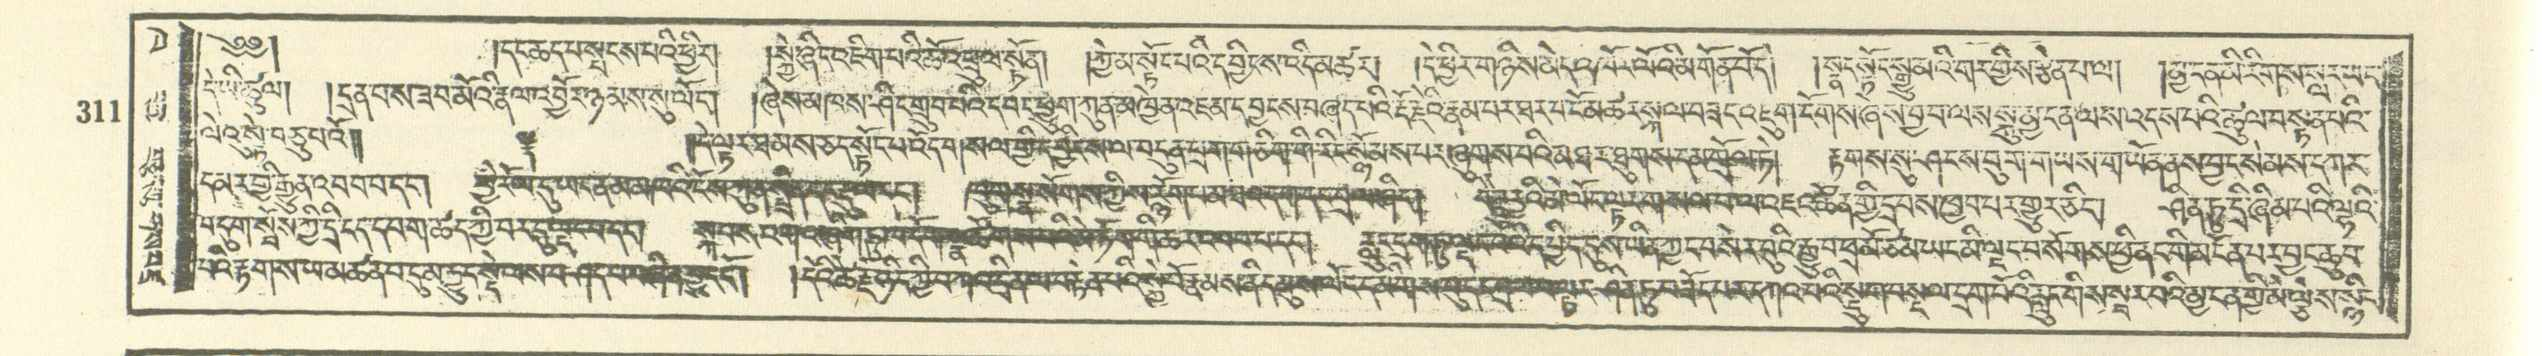༄༅། །དང་ཆད་པ་སྤངས་པའི་ཕྱིར། །སྐྱེ་ཞིང་འཇིག་པའི་ཆོ་འཕྲུལ་སྟོན། །ཀྱེ་མ་སྟོང་པའི་དབྱིངས་འདི་མཚར། །དེ་ཕྱིར་གཉིས་མེད་འཁོར་ལོའི་མགོན་པོ་དེ། །སྣང་སྟོང་སྒྱུ་མའི་གར་གྱིས་རྩེན་པ་ལ། །མྱ་ངན་མི་རིགས་སླར་ཡང་
དེ་ཡི་ཚུལ། །དྲན་པས་ཟབ་མོའི་རྣལ་འབྱོར་ཉམས་སུ་ལོང་། །ཞེས་མཁས་ཤིང་གྲུབ་པའི་དབང་ཕྱུག་ཀུན་མཁྱེན་འཇམ་དབྱངས་བཞད་པའི་རྡོ་རྗེའི་རྣམ་པར་ཐར་པ་ངོ་མཚར་སྐལ་བཟང་འཇུག་ངོགས་ཞེས་བྱ་བ་ལས་སྐུ་མྱ་ངན་ལས་འདས་པའི་ཚུལ་བསྟན་པའི་
ལེའུ་སྟེ་བཅུ་པའོ།། ༈ །།དེ་ལྟར་ཐམས་ཅད་སྟོང་པ་འོད་གསལ་གྱི་དབྱིངས་ལ་བདུན་ཕྲག་གཅིག་གི་རིང་སྙོམས་པར་ཞུགས་པའི་མཐར་ཐུགས་དམ་གྲོལ་ཏེ། རྟགས་སུ་ཤངས་བུག་གཡས་གཡོན་ནས་བྱང་སེམས་དཀར་
དམར་གྱི་རྒྱུན་འབབ་པ་དང་། ཕྱི་རོལ་དུ་ཡང་ནམ་མཁའི་ངོས་ཀུན་སྤྲིན་དང་རྡུལ་དང་། ཁུག་སྣ་སོགས་ཀྱིས་རྙོག་པ་མཐའ་དག་དང་བྲལ་ཞིང་། བཻ་ཌཱུརྱའི་མེ་ལོང་ལྟར་གསལ་བ་ལ་འཇའ་ཚོན་གྱི་དྲ་བས་ཁྱབ་པར་གྱུར་ཅིང་། ཤིན་ཏུ་དྲི་ཞིམ་པའི་ལྷའི་
བདུག་སྤོས་ཀྱི་དྲི་ངད་དཔག་ཚད་ཀྱི་བར་དུ་ལྡང་བ་དང་། སྐབས་འགའ་ཞིག་ཏུ་ཁ་དོག་སྣ་ཚོགས་པའི་མེ་ཏོག་གི་ཆར་འབབ་པ་དང་། རླུང་དྲག་ཏུ་ལྡང་བའི་དཔྱིད་དུས་ཡིན་ཀྱང་བསེར་བུའི་རྒྱུ་བ་ཕྲ་མོ་ཙམ་ཡང་མི་ལྡང་བ་སོགས་ཕྱི་ནང་གི་མངོན་པར་བྱང་ཆུབ་
པའི་རྟགས་ཡ་མཚན་པ་དུ་མ་རྒྱུད་སྡེ་ལས་བཤད་པ་བཞིན་བྱུང་ངོ། །དེའི་ཚེ་རྗེ་ཉིད་ཀྱི་བཀའ་དྲིན་ལ་བརྟེན་པའི་སྐྱེ་པོ་རྣམས་ནི་དམུས་ལོང་དམིགས་བུ་དང་བྲལ་བ་ལྟར་ཤིན་ཏུ་བཟོད་པར་དཀའ་བའི་སྡུག་བསྔལ་དྲག་པོའི་རླུང་གིས་སྦར་བའི་མྱ་ངན་གྱི་མེ་ལྕེས་སྙིང་